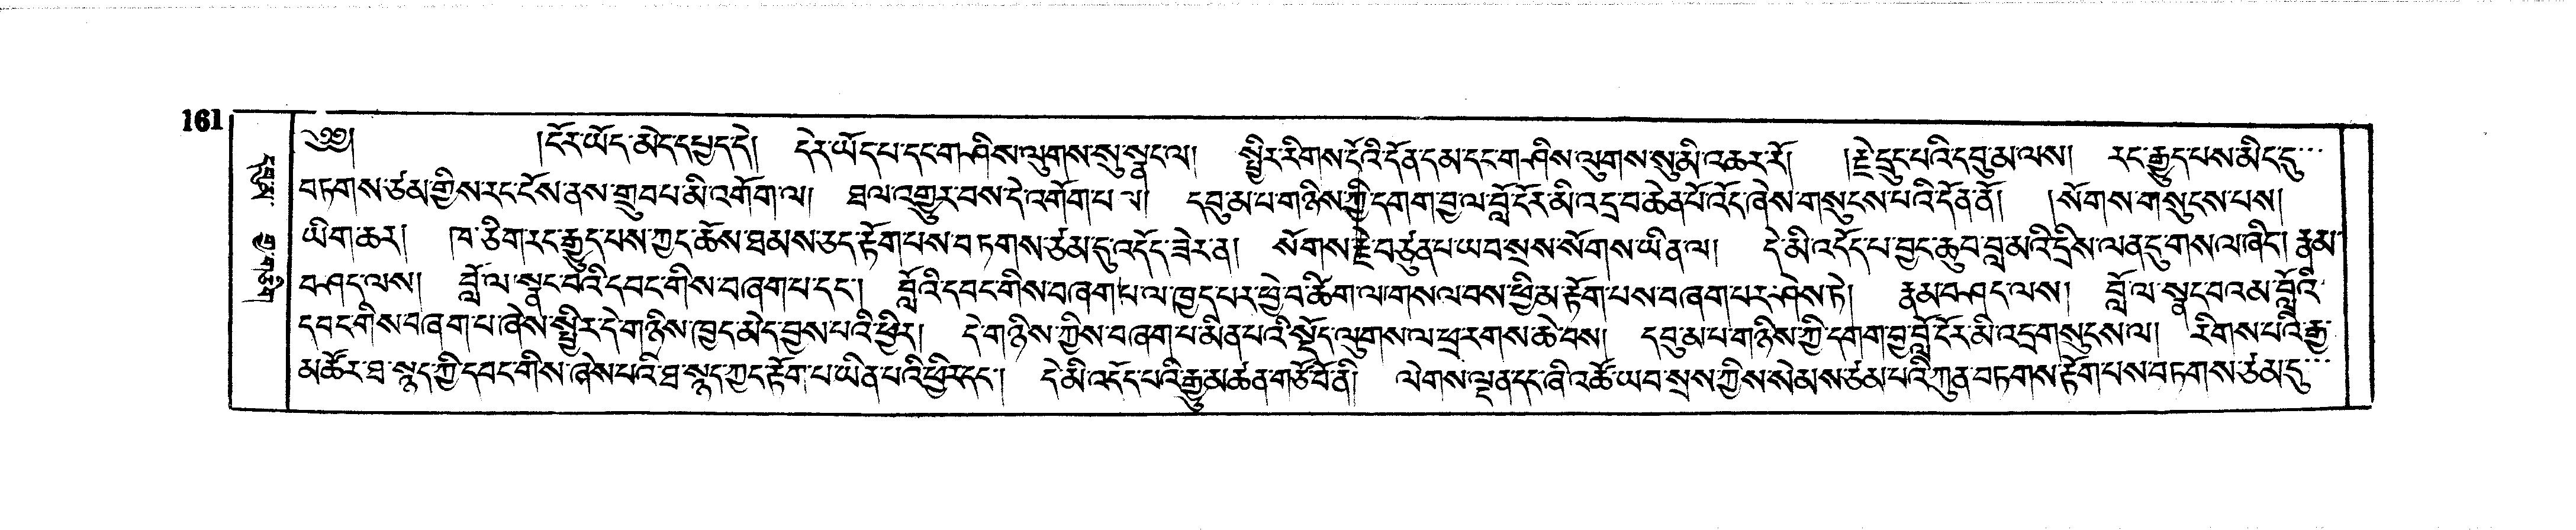༄༅། །ངོར་ཡོད་མེད་དཔྱད་དེ། དེར་ཡོད་པ་དང་གཤིས་ལུགས་སུ་སྣང་ལ། སྤྱིར་རིགས་ངོའི་དོན་དམ་དང་གཤིས་ལུགས་སུ་མི་འཆར་རོ། །རྗེ་དྲུང་པའི་དབུ་མ་ལས། རང་རྒྱུད་པས་མིང་དུ་
བཏགས་ཙམ་གྱིས་རང་ངོས་ནས་གྲུབ་པ་མི་འགོག་ལ། ཐལ་འགྱུར་བས་དེ་འགོག་པ་ལ། དབུ་མ་པ་གཉིས་ཀྱི་དགག་བྱ་ལ་བློ་ངོར་མི་འདྲ་བ་ཆེན་པོ་འོད་ཞེས་གསུངས་པའི་དོན་ནོ། །སོགས་གསུངས་པས།
ཡིག་ཆར། ཁ་ཅིག་རང་རྒྱུད་པས་ཀྱང་ཆོས་ཐམས་ཅད་རྟོག་པས་བཏགས་ཙམ་དུ་འདོད་ཟེར་ན། སོགས་རྗེ་བཙུན་པ་ཡབ་སྲས་སོགས་ཡིན་ལ། དེ་མི་འདོད་པ་བྱང་ཆུབ་བླ་མའི་དྲིས་ལན་དུ་གསལ་ཞིང་། རྣམ་
བཤད་ལས། བློ་ལ་སྣང་བའི་དབང་གིས་བཞག་པ་དང་། བློའི་དབང་གིས་བཞག་པ་ལ་ཁྱད་པར་ཕྱེ་བ་ཚིག་ལ་གསལ་བས་ཕྱི་མ་རྟོག་པས་བཞག་པར་ཤེས་ཏེ། རྣམ་བཤད་ལས། བློ་ལ་སྣང་བའམ་བློའི་
དབང་གིས་བཞག་པ་ཞེས་སྤྱིར་དེ་གཉིས་ཁྱད་མེད་བྱས་པའི་ཕྱིར། དེ་གཉིས་ཀྱིས་བཞག་པ་མིན་པའི་སྡོད་ལུགས་ལ་ཕྲ་རགས་ཆེ་བས། དབུ་མ་པ་གཉིས་ཀྱི་དགག་བྱ་བློ་ངོར་མི་འདྲ་གསུངས་ལ། རིགས་པའི་རྒྱ་
མཚོར་ཐ་སྙད་ཀྱི་དབང་གིས་ཞེས་པའི་ཐ་སྙད་ཀྱང་རྟོག་པ་ཡིན་པའི་ཕྱིར་དང་། དེ་མི་འདོད་པའི་རྒྱུ་མཚན་གཙོ་བོ་ནི། ལེགས་ལྡན་དང་ཞི་འཚོ་ཡབ་སྲས་ཀྱིས་སེམས་ཙམ་པའི་ཀུན་བཏགས་རྟོག་པས་བཏགས་ཙམ་དུ་